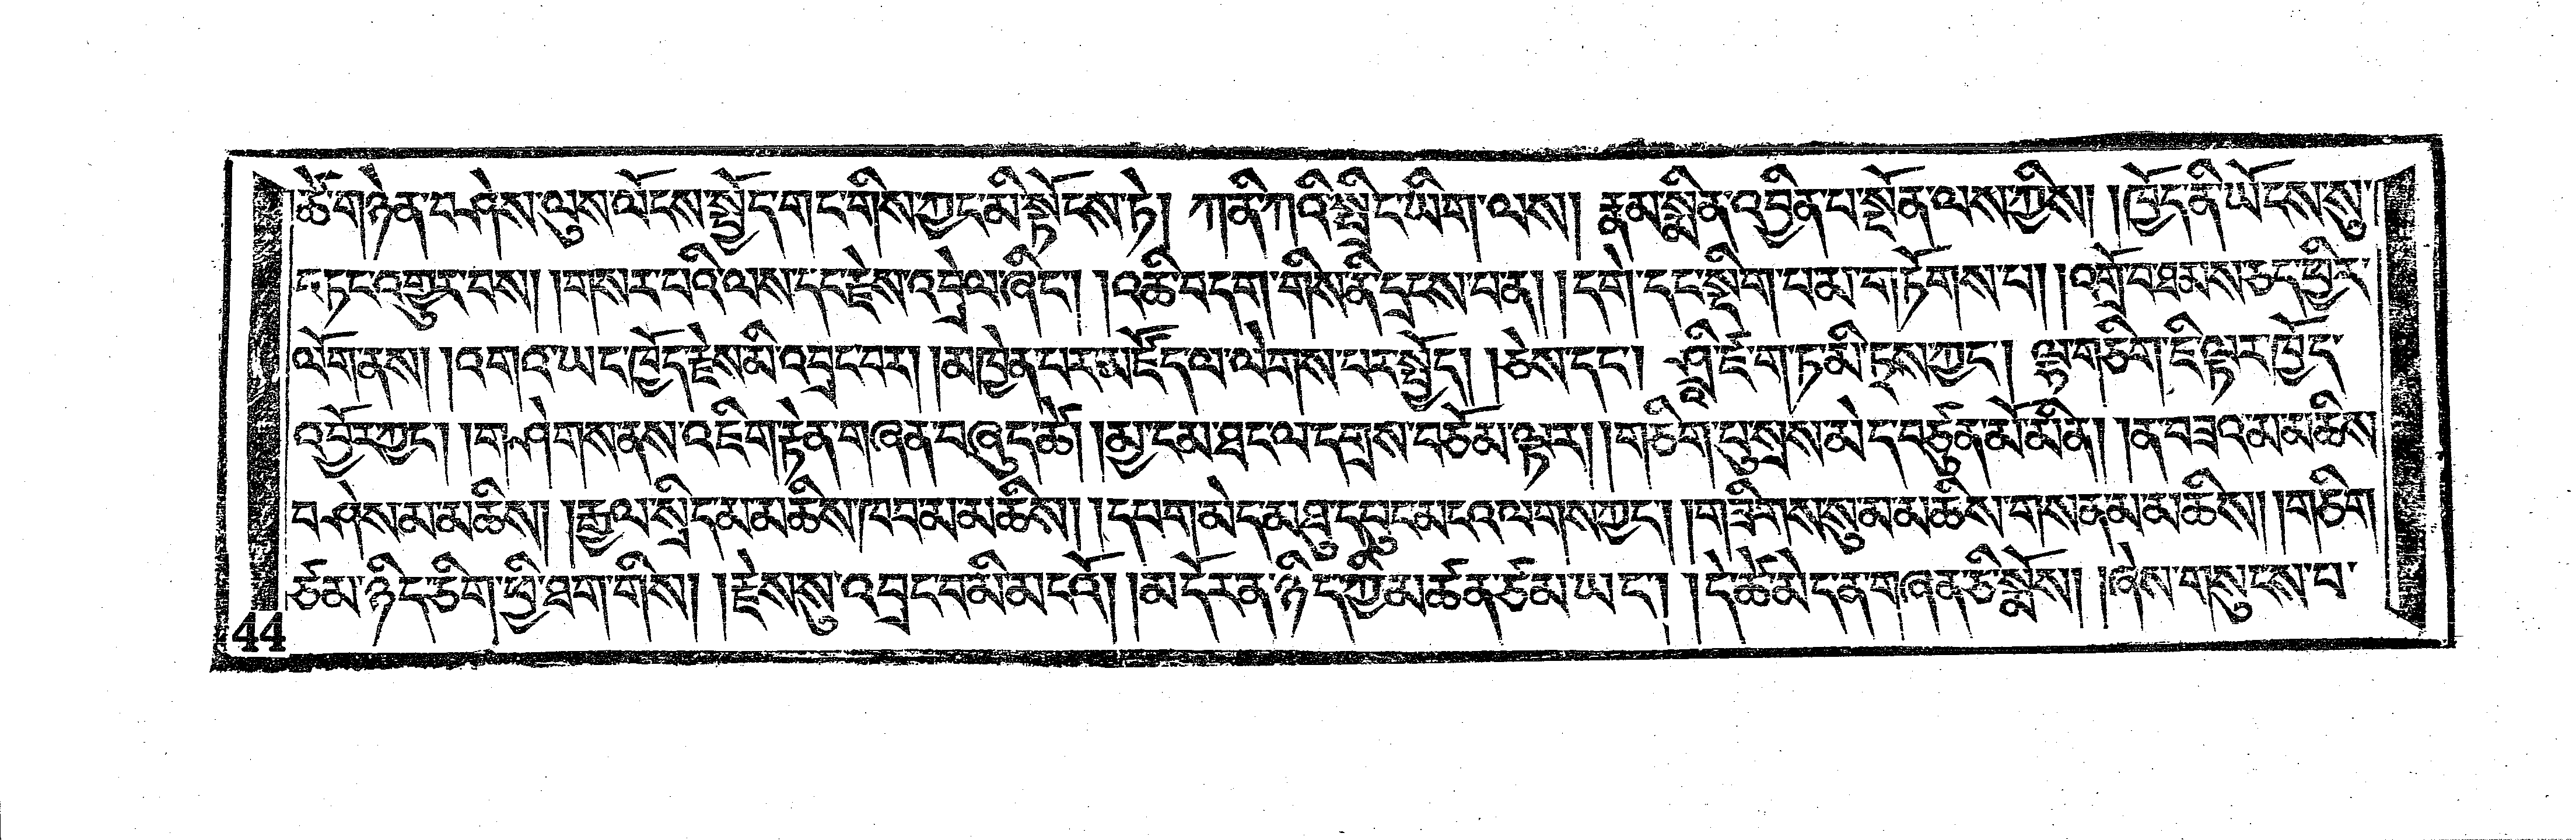ཚེ་གཉེན་བཤེས་ལུས་ལོངས་སྤྱོད་གང་གིས་ཀྱང་མི་སྟོངས་ཏེ། ཀ་ནི་ཀའི་སྤྲིང་ཡིག་ལས། རྣམ་སྨིན་འབྱིན་པ་སྔོན་ལས་ཀྱིས། །ཁྱོད་ནི་ཡོངས་སུ་
བཏང་འགྱུར་བས། །གསར་པའི་ལས་དང་རྗེས་འབྲེལ་ཞིང་། །འཆི་བདག་གིས་ནི་དྲངས་པ་ན། །དགེ་དང་སྡིག་པ་མ་གཏོགས་པ། །འགྲོ་བ་ཐམས་ཅད་ཕྱིར་
ལོག་ནས། །འགའ་ཡང་ཁྱོད་རྗེས་མི་འབྲང་བར། །མཁྱེན་པར་མཛོད་ལ་ལེགས་པར་སྤྱོད། །ཅེས་དང་། ཤྲའི་ཛ་ག་ཏ་མི་ཏྲས་ཀྱང་། ལྷ་གཅིག་ཇི་ལྟར་ཁྱོད་
འབྱོར་ཀྱང་། །གཤེགས་ནས་འཇིག་རྟེན་གཞན་བཞུད་ཚེ། །མྱ་ངམ་ཐང་ལ་དགྲས་བཅོམ་ལྟར། །གཅིག་པུ་སྲས་མེད་བཙུན་མོ་མིན། །ན་བཟའ་མ་མཆིས་
བཤེས་མ་མཆིས། །རྒྱལ་སྲིད་མ་མཆིས་ཁབ་མ་མཆིས། །དཔག་མེད་མཐུ་དཔུང་མངའ་ལགས་ཀྱང་། །གཟིགས་སུ་མ་མཆིས་གསན་མ་མཆིས། །གཅིག་
ཙམ་ཉིད་ཅིག་ཕྱི་ཐག་གིས། །རྗེས་སུ་འབྲང་བ་མི་མངའོ། །མདོར་ན་ཉིད་ཀྱི་མཚན་ཙམ་ཡང་། །དེ་ཚེ་མེད་ན་གཞན་ཅི་སྨོས། །ཞེས་གསུངས་པ་